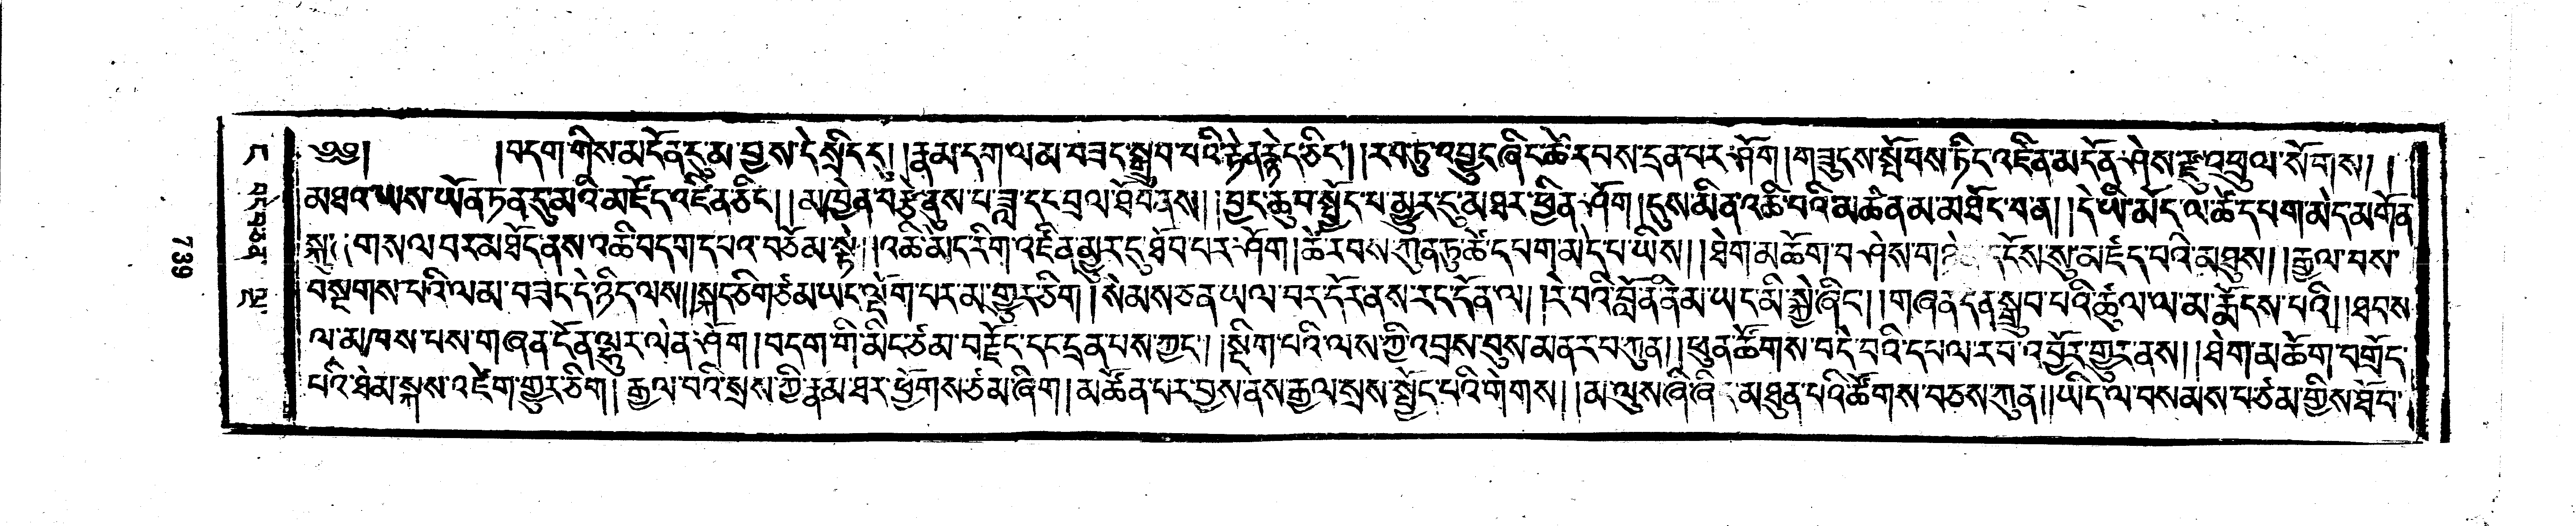༄༅། །བདག་གིས་མངོན་དུ་མ་བྱས་དེ་སྲིད་དུ། །རྣམ་དག་ལམ་བཟང་སྒྲུབ་པའི་རྟེན་རྙེད་ཅིང་། །རབ་ཏུ་འབྱུང་ཞིང་ཚེ་རབས་དྲན་པར་ཤོག །གཟུངས་སྤོབས་ཏིང་འཛིན་མངོན་ཤེས་རྫུ་འཕྲུལ་སོགས། །
མཐའ་ཡས་ཡོན་ཏན་དུ་མའི་མཛོད་འཛིན་ཅིང་། །མཁྱེན་བརྩེ་ནུས་པ་ཟླ་དང་བྲལ་ཐོབ་ནས། །བྱང་ཆུབ་སྤྱོད་པ་མྱུར་དུ་མཐར་ཕྱིན་ཤོག །དུས་མིན་འཆི་བའི་མཚན་མ་མཐོང་བ་ན། །དེ་ཡི་མོད་ལ་ཚེ་དཔག་མེད་མགོན་
སྐུ༑ ༑གསལ་བར་མཐོང་ནས་འཆི་བདག་དཔའ་བཅོམ་སྟེ། །འཆི་མེད་རིག་འཛིན་མྱུར་དུ་ཐོབ་པར་ཤོག །ཚེ་རབས་ཀུན་ཏུ་ཚེ་དཔག་མེད་པ་ཡིས། །ཐེག་མཆོག་བཤེས་གཉེན་དངོས་སུ་མཛད་པའི་མཐུས། །རྒྱལ་བས་
བསྔགས་པའི་ལམ་བཟང་དེ་ཉིད་ལས། །སྐད་ཅིག་ཙམ་ཡང་ལྡོག་པར་མ་གྱུར་ཅིག །སེམས་ཅན་ཡལ་བར་དོར་ནས་རང་དོན་ལ། །རེ་བའི་བློ་ནི་ནམ་ཡང་མི་སྐྱེ་ཞིང་། །གཞན་དོན་སྒྲུབ་པའི་ཚུལ་ལ་མ་རྨོངས་པའི། །ཐབས་
ལ་མཁས་པས་གཞན་དོན་ལྷུར་ལེན་ཤོག །བདག་གི་མིང་ཙམ་བརྗོད་དང་དྲན་པས་ཀྱང་། །སྡིག་པའི་ལས་ཀྱི་འབྲས་བུས་མནར་བ་ཀུན། །ཕུན་ཚོགས་བདེ་བའི་དཔལ་རབ་འབྱོར་གྱུར་ནས། །ཐེག་མཆོག་བགྲོད་
པའི་ཐེམ་སྐས་འཛེག་གྱུར་ཅིག །རྒྱལ་བའི་སྲས་ཀྱི་རྣམ་ཐར་ཕྱོགས་ཙམ་ཞིག །མཚོན་པར་བྱས་ནས་རྒྱལ་སྲས་སྤྱོད་པའི་གེགས། །མ་ལུས་ཞི་ཞིང་མཐུན་པའི་ཚོགས་བཅས་ཀུན། །ཡིད་ལ་བསམས་པ་ཙམ་གྱིས་ཐོབ་